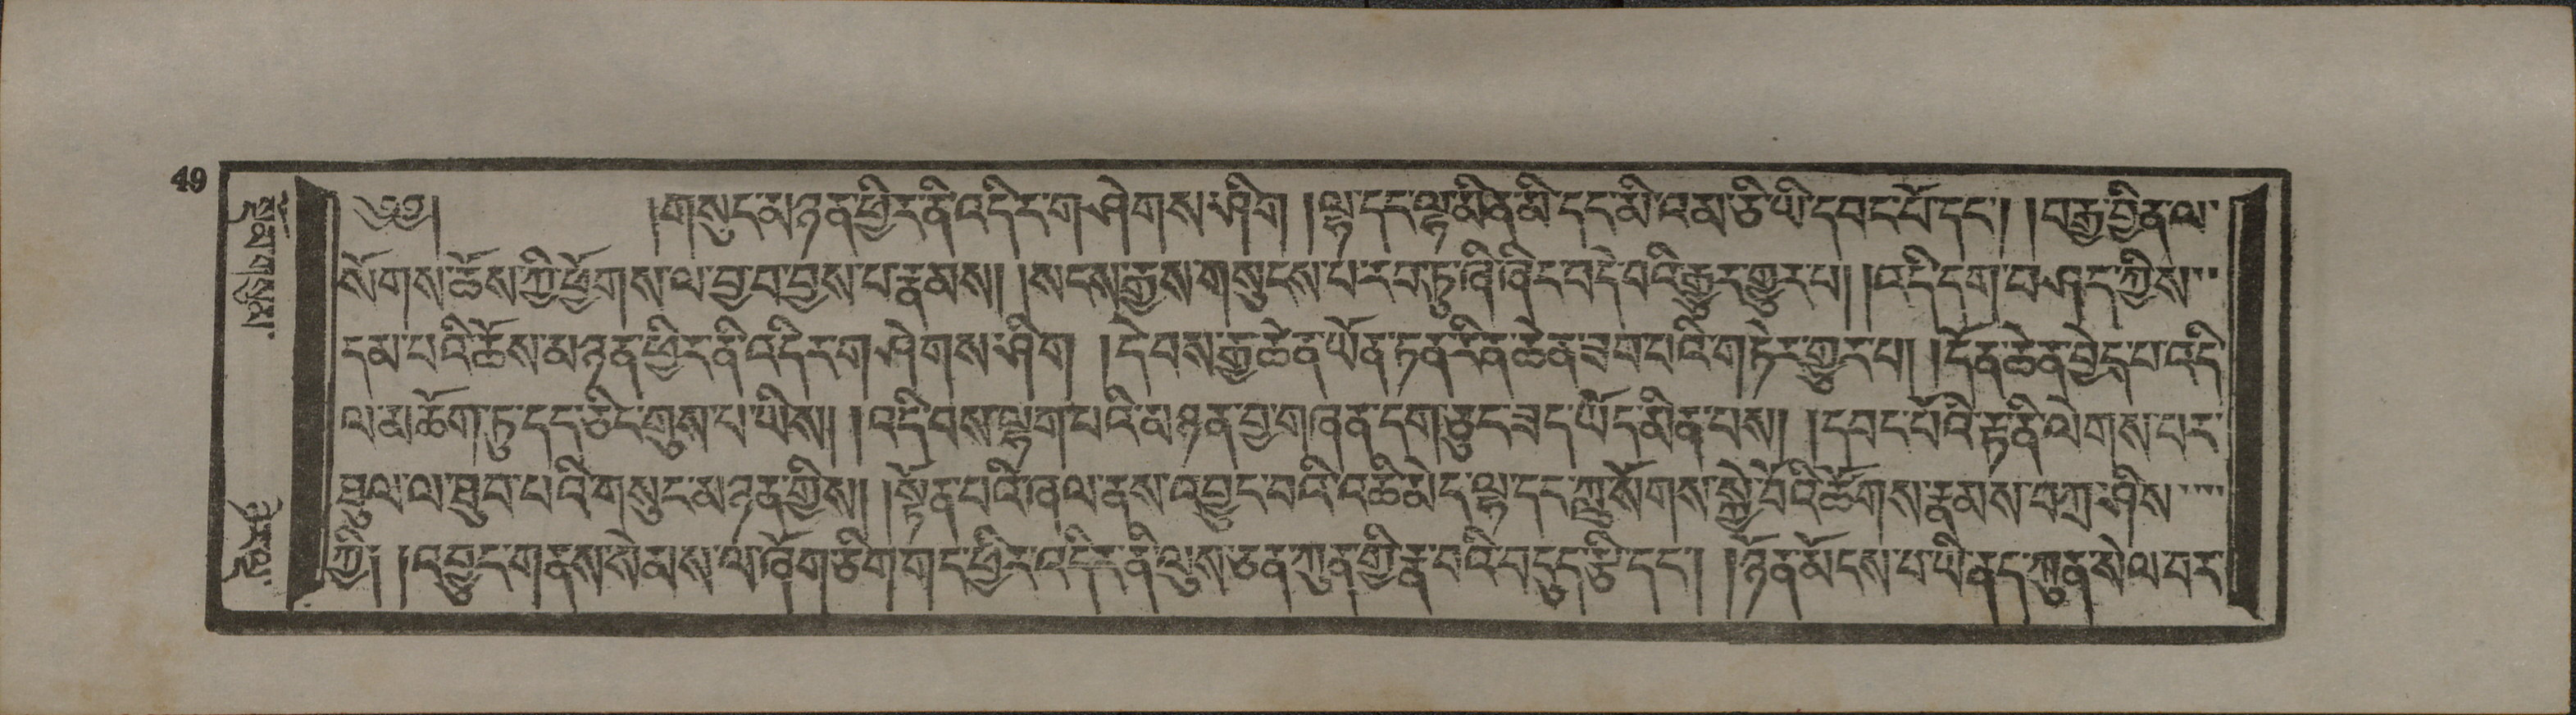༄༅། །གསུང་མཉན་ཕྱིར་ནི་འདིར་གཤེགས་ཤིག །ལྷ་དང་ལྷ་མིན་མི་དང་མིའམ་ཅི་ཡི་དབང་པོ་དང་། །བརྒྱ་བྱིན་ལ་
སོགས་ཆོས་ཀྱི་ཕྱོགས་ལ་བྱ་བ་བྱས་པ་རྣམས། །སངས་རྒྱས་གསུངས་པ་རབ་ཏུ་ཞི་ཞིང་བདེ་བའི་རྒྱུར་གྱུར་པ། །འདི་དག་བཤད་ཀྱིས་
དམ་པའི་ཆོས་མཉན་ཕྱིར་ནི་འདིར་གཤེགས་ཤིག །དེ་བས་རྒྱ་ཆེན་ཡོན་ཏན་རིན་ཆེན་ཟབ་པའི་གཏེར་གྱུར་པ། །དོན་ཆེན་བྱེད་པ་འདི་
ལ་མཆོག་ཏུ་དད་ཅིང་གུས་པ་ཡིས། །འདི་བས་ལྷག་པའི་མཉན་བྱ་གཞན་དག་ཅུང་ཟད་ཡོད་མིན་པས། །དབང་པོའི་རྟ་ནི་ལེགས་པར་
ཐུལ་ལ་ཐུབ་པའི་གསུང་མཉན་གྱིས། །སྟོན་པའི་ཞལ་ནས་འབྱུང་བའི་འཆི་མེད་ལྷ་དང་ཀླུ་སོགས་སྐྱེ་བོའི་ཚོགས་རྣམས་བཀྲ་ཤིས་
ཀྱི། །འབྱུང་གནས་སེམས་ལ་ཞོག་ཅིག་གང་ཕྱིར་འདིར་ནི་ལུས་ཅན་ཀུན་གྱི་རྣ་བའི་བདུད་རྩི་དང་། །ཉོན་མོངས་པ་ཡི་ནད་ཀུན་སེལ་བར་